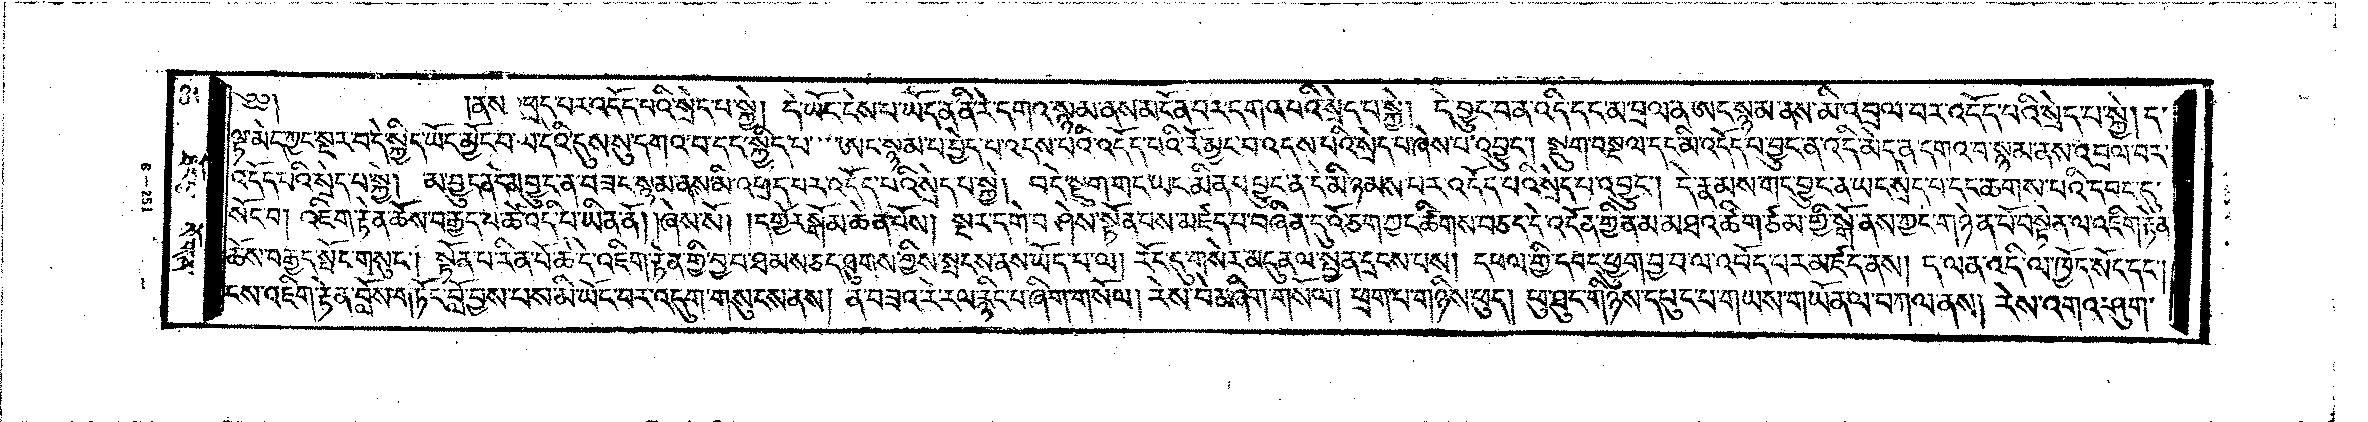༄༅། །ནས་འཕྲད་པར་འདོད་པའི་སྲེད་པ་སྐྱེ། དེ་ཡོང་ངེས་པ་ཡོད་ན་ནི་རེ་དགའ་སྙམ་ནས་མངོན་པར་དགའ་བའི་སྲེད་པ་སྐྱེ། དེ་བྱུང་བ་ན་འདི་དང་མ་བྲལ་ན་ཨང་སྙམ་ནས་མི་འབྲལ་བར་འདོད་པའི་སྲེད་པ་སྐྱེ། དེ་
ལྟ་མེད་ཀྱང་སྔར་བདེ་སྐྱིད་ཡོང་མྱོང་བ་ལ་དེའི་དུས་སུ་དགའ་བ་དང་སྐྱིད་པ་ཨང་སྙམ་པ་བྱེད་པ་འདས་པའི་འདོད་པའི་རོ་མྱང་བ་འདས་པའི་སྲེད་པ་ཞེས་པ་འབྱུང་། སྡུག་བསྔལ་དང་མི་འདོད་པ་བྱུང་ན་འདི་མེད་ན་དགའ་བ་སྙམ་ནས་འབྲལ་བར་
འདོད་པའི་སྲེད་པ་སྐྱེ། མ་བྱུང་ན་དེ་མ་བྱུང་ན་བཟང་སྙམ་ནས་མི་འཕྲད་པར་འདོད་པའི་སྲེད་པ་སྐྱེ། བདེ་སྡུག་གང་ཡང་མིན་པ་བྱུང་ན་དེ་མི་ཉམས་པར་འདོད་པའི་སྲེད་པ་འབྱུང་། དེ་རྣམས་གང་བྱུང་ན་ཡང་སྲེད་བ་དང་ཆགས་པའི་དབང་དུ་
སོང་བ། འཇིག་རྟེན་ཆོས་བརྒྱད་པ་ཚེ་འདི་བ་ཡིན་ནོ། །ཞེས་སོ། །དགྱོར་སྒོམ་ཆེན་པོས། སྔར་དགེ་བཤེས་སྟོན་པས་མཛད་པ་བཞིན་དུ་འོ་ཅག་ཀྱང་ཚིགས་བཅད་དེ་འདོན་གྱི་ནམ་མཁའ་ཚིག་ཙམ་གྱི་སྒོ་ནས་ཀྱང་གཉེན་པོ་བསྟེན་ལ་འཇིག་རྟེན་
ཆོས་བརྒྱད་སྤོང་གསུང་། སྟོན་པ་རིན་པོ་ཆེ་དེ་འཇིག་རྟེན་གྱི་བྱ་བ་ཐམས་ཅད་ཐུགས་གྱིས་སྤངས་ནས་ཡོད་པ་ལ། རོང་དུ་གསེར་མདུན་ལ་སྤྱན་དྲངས་པས། དཔལ་གྱི་དབང་ཕྱུག་བྱ་བ་ལ་འབོད་པར་མཛད་ནས། ད་ལན་འདི་ལ་ཁྱོད་སོང་དང་།
ངས་འཇིག་རྟེན་བློས་གཏོང་བློ་བྱས་པས་མི་ཡོང་བར་འདུག་གསུངས་ནས། ན་བཟའ་རེ་རལ་རྙིང་པ་ཞིག་གསོལ། རེས་བེ་མ་ཞིག་གསོལ། ཕྲག་པ་གཉིས་ཕུད། ཕུ་ཐུང་གཉིས་དཔུང་པ་གཡས་གཡོན་ལ་བཀལ་ནས། རེས་འགའ་ཤུག་